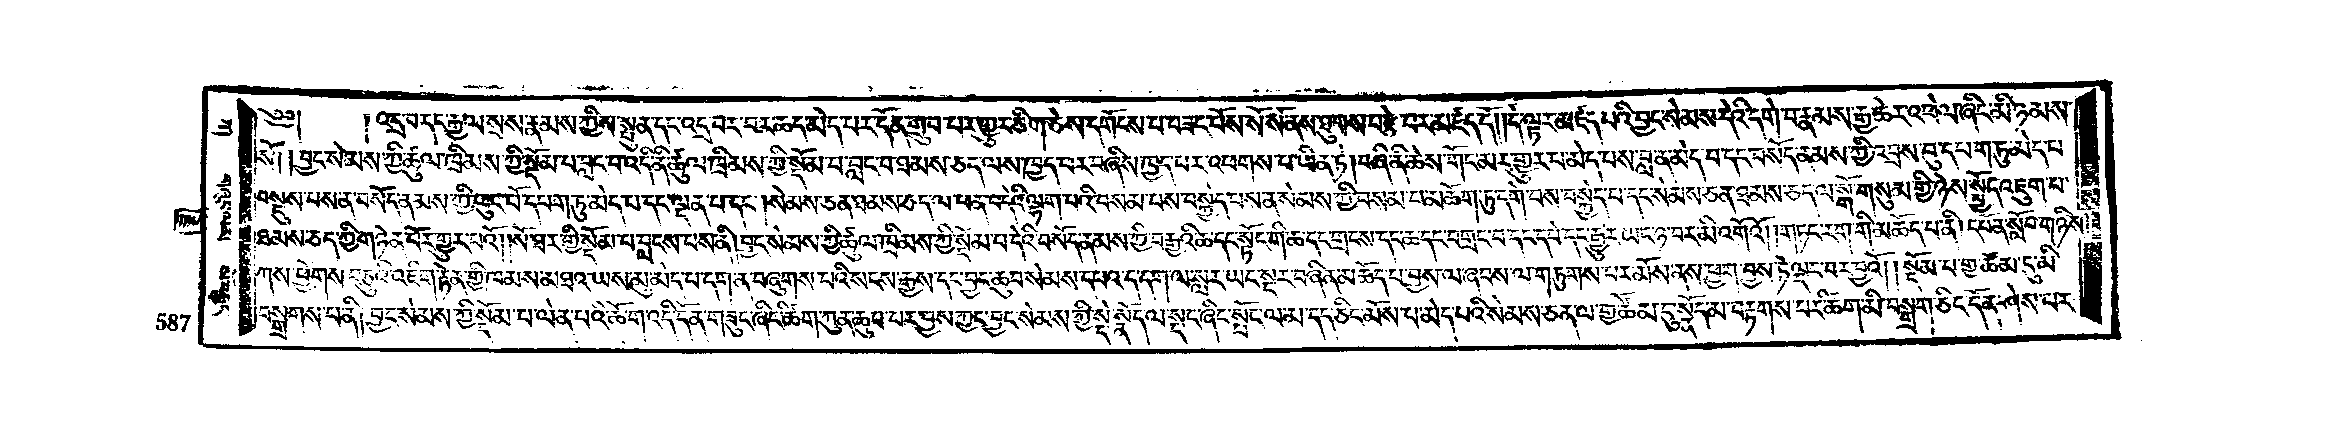༄༅། །འདྲ་བ་དང་རྒྱལ་སྲས་རྣམས་ཀྱིས་སྤུན་དང་འདྲ་བར་བར་ཆད་མེད་པར་དོན་གྲུབ་པར་གྱུར་ཅིག་ཅེས་དགོངས་པ་བཟང་པོས་སོ་སོ་ནས་ཐུགས་བརྩེ་བར་མཛད་དོ། །དེ་ལྟར་མཛད་པའི་བྱང་སེམས་དེའི་དགེ་བ་རྣམས་རྒྱ་ཆེར་འཕེལ་ཞིང་མི་ཉམས་
སོ། །བྱང་སེམས་ཀྱི་ཚུལ་ཁྲིམས་ཀྱི་སྡོམ་པ་བླང་བ་འདི་ནི་ཚུལ་ཁྲིམས་ཀྱི་སྡོམ་པ་བླང་བ་ཐམས་ཅད་ལས་ཁྱད་པར་བཞིས་ཁྱད་པར་འཕགས་པ་ཡིན་ཏེ། བཞི་ནི་ཆེས་གོང་མར་གྱུར་པ་མེད་པས་བླ་ན་མེད་པ་དང་བསོད་ནམས་ཀྱི་འབྲས་བུ་དཔག་ཏུ་མེད་པ་
བསྡུས་པས་ན་བསོད་ནམས་ཀྱི་ཕུང་པོ་དཔག་ཏུ་མེད་པ་དང་ལྡན་པ་དང་། སེམས་ཅན་ཐམས་ཅད་ལ་ཕན་བདེའི་ལྷག་པའི་བསམ་པས་བསྐྱེད་པས་ན་སེམས་ཀྱི་བསམ་པ་མཆོག་ཏུ་དགེ་བས་བསྐྱེད་པ་དང་སེམས་ཅན་ཐམས་ཅད་ལ་སྒོ་གསུམ་གྱི་ཉེས་སྤྱོད་འཇུག་པ་
ཐམས་ཅད་ཀྱི་གཉེན་པོར་གྱུར་པའོ། །སོ་ཐར་གྱི་སྡོམ་པ་བླངས་པས་ནི། བྱང་སེམས་ཀྱི་ཚུལ་ཁྲིམས་ཀྱི་སྡོམ་པ་དེའི་བསོད་ནམས་ཀྱི་བརྒྱའི་ཆ་དང་སྟོང་གི་ཆ་དང་གྲངས་དང་ཆ་དང་བགྲང་བ་དང་དཔེ་དང་རྒྱུར་ཡང་ཉ་བར་མི་འགོའོ། །གཏང་རག་གི་མཆོད་པ་ནི། དཔོན་སློབ་གཉིས་
ཀས་ཕྱོགས་བཅུའི་འཇིག་རྟེན་གྱི་ཁམས་མཐའ་ཡས་མུ་མེད་པ་དག་ན་བཞུགས་པའི་སངས་རྒྱས་དང་བྱང་ཆུབ་སེམས་དཔའ་དེ་?་དག་ལ་སླར་ཡང་སྔར་བཞིན་མཆོད་པ་བྱས་ལ་ཞབས་ལ་གཏུགས་པར་མོས་ནས་ཕྱག་བྱས་ཏེ་ལྡང་བར་བྱའོ། །སྡོམ་པ་གྱི་ཚོམ་དུ་མི་
བསྒྲགས་པ་ནི། བྱང་སེམས་ཀྱི་སྡོམ་པ་ལེན་པའི་ཆོ་ག་འདི་དོན་གཟུང་ཞིང་ཚིག་ཀུན་ཆུབ་པར་བྱས་ཀྱང་བྱང་སེམས་ཀྱི་སྡེ་སྣོད་ལ་སྡང་ཞིང་སྤོང་ལ་མ་དད་ཅིང་མོས་པ་མེད་པའི་སེམས་ཅན་ལ་གྱི་ཚོམ་དུ་སྣོད་མ་བརྟགས་པར་ཚིག་མི་བསྒྲག་ཅིང་དོན་ཤེས་པར་